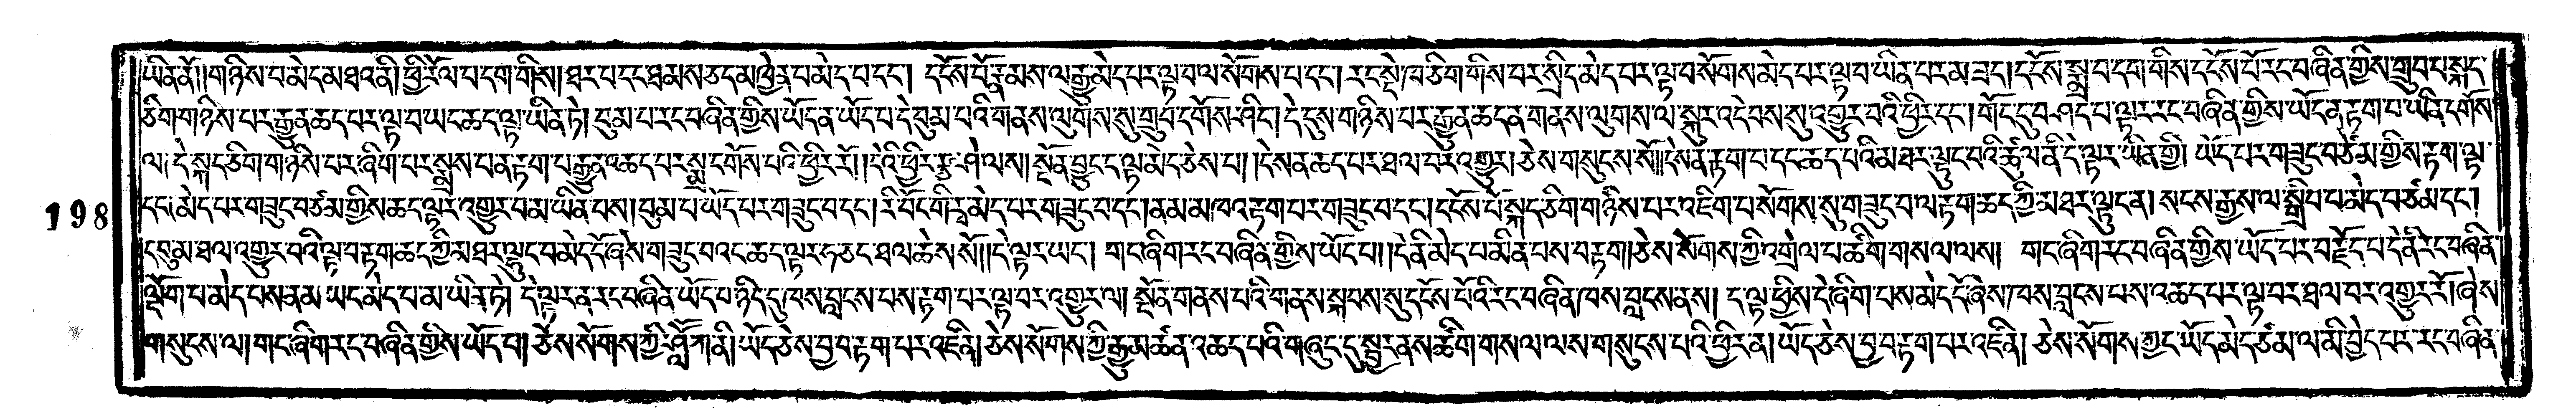ཡིན་ནོ། །གཉིས་པ་མེད་མཐའ་ནི། ཕྱི་རོལ་བ་དག་གིས། ཐར་པ་དང་ཐམས་ཅད་མཁྱེན་པ་མེད་པ་དང་། དངོས་པོ་རྣམས་ལ་རྒྱུ་མེད་པར་ལྟ་བ་ལ་སོགས་པ་དང་། རང་སྡེ་ཁ་ཅིག་གིས་བར་སྲིད་མེད་པར་ལྟ་བ་སོགས་མེད་པར་ལྟ་བ་ཡིན་པར་མ་ཟད། དངོས་སྨྲ་བ་དག་གིས་དངོས་པོ་རང་བཞིན་གྱིས་གྲུབ་བསྐྲད་
ཅིག་གཉིས་པར་རྒྱུན་ཆད་པར་ལྟ་བ་ཡང་ཆད་ལྟ་ཡིན་ཏེ། བུམ་པ་རང་བཞིན་གྱིས་ཡོད་ན་ཡོད་བ་དེ་བུམ་པའི་གནས་ལུགས་སུ་གྲུབ་དགོས་ཤིང་། དེ་དུས་གཉིས་པར་རྒྱུན་ཆད་ན་གནས་ལུགས་ལ་སྐུར་འདེབས་སུ་འགྱུར་བའི་ཕྱིར་དང་། གོང་དུ་བཤད་པ་ལྟར་རང་བཞིན་གྱིས་ཡོད་ན་རྟག་པ་ཡིན་དགོས་
ལ༑ དེ་སྐད་ཅིག་གཉིས་པར་ཞིག་པར་སྨྲས་པ་ན་རྟག་པ་རྒྱུན་འཆད་པར་སྨྲ་དགོས་པའི་ཕྱིར་རོ། །དེའི་ཕྱིར་རྩ་ཤེ་ལས། སྔོན་བྱུང་ད་ལྟ་མེད་ཅེས་པ། །དེས་ན་ཆད་པར་ཐལ་བར་འགྱུར། ཅེས་གསུངས་སོ། །དེས་ན་རྟག་པ་དང་ཆད་པའི་མཐར་ལྟུང་བའི་ཚུལ་ནི་དེ་ལྟར་ཡིན་གྱི། ཡོད་པར་གཟུང་བ་ཙམ་གྱིས་རྟག་ལྟ་
དང་མེད་པར་གཟུང་བ་ཙམ་གྱིས་ཆད་ལྟར་འགྱུར་བ་མ་ཡིན་པས། བུམ་པ་ཡོད་པར་གཟུང་བ་དང་། རི་བོང་གི་རྭ་མེད་པར་གཟུང་བ་དང་། ནམ་མཁའ་རྟག་པར་གཟུང་བ་དང་། དངོས་པོ་སྐད་ཅིག་གཉིས་པར་འཇིག་པ་སོགས་སུ་གཟུང་བ་ལ་རྟག་ཆད་ཀྱི་མཐར་ལྟུང་ན། སངས་རྒྱས་ལ་སྒྲིབ་པ་མེད་པ་ཙམ་དང་།
དབུ་མ་ཐལ་འགྱུར་བའི་ལྟ་བརྟག་ཆད་ཀྱི་མཐར་ལྷུང་བ་མེད་དོ་ཞེས་གཟུང་བའང་ཆད་ལྟར་ཧ་ཅང་ཐལ་ཆེས་སོ། །དེ་ལྟར་ཡང་། གང་ཞིག་རང་བཞིན་གྱིས་ཡོད་པ། །དེ་ནི་མེད་པ་མིན་པས་བརྟག། ཅེས་སོགས་ཀྱི་འགྲེལ་པ་ཚིག་གསལ་ལས། གང་ཞིག་རང་བཞིན་གྱིས་ཡོད་པར་བརྗོད་པ་དོན་རང་བཞིན་
ལྡོག་པ་མེད་པས་ནམ་ཡང་མེད་པ་མ་ཡིན་ཏེ། དེ་ལྟར་ན་རང་བཞིན་ཡོད་པ་ཉིད་དུ་ཁས་བླངས་པས་རྟག་པར་ལྟ་བར་འགྱུར་ལ། སྔོན་གནས་པའི་གནས་སྐབས་སུ་དངོས་པོའི་རང་བཞིན་ཁས་བླངས་ནས། ད་ལྟ་ཕྱིས་དེ་ཞིག་པས་མེད་དོ་ཞེས་ཁས་བླངས་པས་འཆད་པར་ལྟ་བར་ཐལ་བར་འགྱུར་རོ། ཞེས་
གསུངས་ལ། གང་ཞིག་རང་བཞིན་གྱིས་ཡོད་པ། ཅེས་སོགས་ཀྱི་ཤློ་ཀ་ནི། ཡོད་ཅེས་བྱ་བརྟག་པར་འཛིན། ཅེས་སོགས་ཀྱི་རྒྱུ་མཚན་འཆད་པའི་གཞུང་དུ་སྦྱར་ནས་ཚིག་གསལ་ལས་གསུངས་པའི་ཕྱིར་ན། ཡོད་ཅེས་བྱ་བ་རྟག་པར་འཛིན། ཅེས་སོགས་ཀྱང་ཡོད་མེད་ཙམ་ལ་མི་བྱེད་པར། རང་བཞིན་